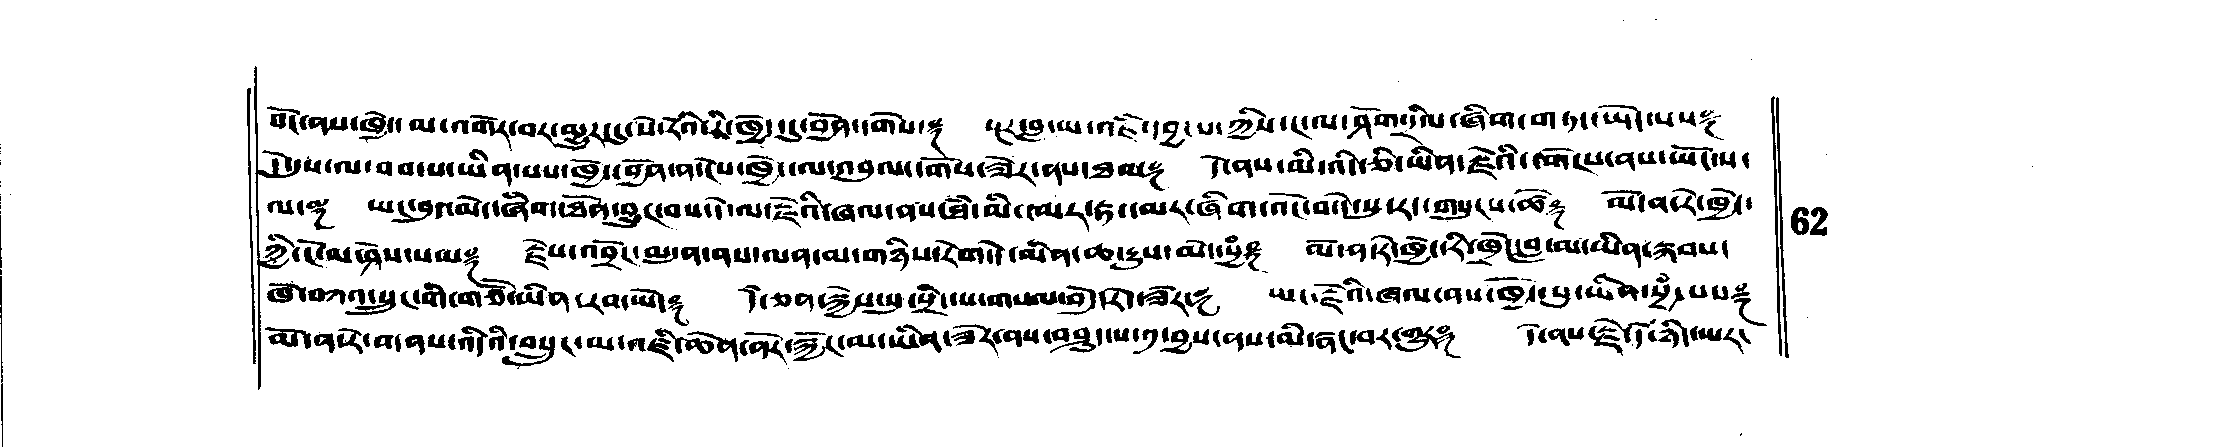འོང་ནས་ཁྲོད་མ་འགོར་བར་མྱུར་དུ་སེ་རེའི་རི་ཁྱོད་དུ་བྱོན་དགོས། སྔར་བླ་མ་འཇམ་དབྱངས་ཀྱིས་ང་ལ་ཤོག་དྲིལ་ཞིག་གཏད་ཡོད་པས། 
དེ་དུས་ལ་བབ་པ་ཡིན་པས་ཁྱོད་བྱོན་ན་ངེས་ཁྱེད་ལ་འབུལ་དགོས་ཟེར་ནས་ཐམ༼ཐལ?༽། དེ་ནས་མི་འདི་ཅི་ཡིན་རྗེའི་དགོངས་ནས་ཡོད་པ་
ལ། ཡང་བུད་མེད་ཞིག་ཐོན་བྱུངབས་དེ་ལ་རྗེའི་ཞལ་ནས་ཐམ་མི་དམར་རྟ་དམར་ཞིག་འོང་བ་དེ་སུ་རེད་གསུངས་ཚེ། མོ་ན་རེ་ཁྱེད་
ཀྱི་ངོ་མ་ཤེས་སམ། རྗེས་འབྲོང་མདུན་ནས་ལན་མ་གཉིས་རེག་དེ་མིན་ཆ་རྒྱུས་མེད་གསུངས། མོ་ན་རེ་ཁྱོད་རི་ཁྲོད་བླ་མ་ཡིན་སྐབས་
ཁོ་བཀའ་སྲུང་གི་གཙོ་བོ་ཡིན་རབ་ཡོད། དམ་ཅན་སྐྱེས་བུ་སྲིད་པ་གསལ་བྱེད་རེད་ཟེར། ཡང་རྗེའི་ཞལ་ནས་ཁྱོད་སུ་ཡིན་གསུངས་པས། 
མོ་ན་རེ་གནས་འདིའི་བསྲུང་མ་འཛི་ཆེན་ནོར་སྐྱོང་མ་ཡིན་ཟེར་ནས་བཤུད་པ་གཅིག་བྱས་ནས་མི་སྣང་བར་གྱུར། དེ་ནས་རྗེ་དེ་ཉིད་ཡར་